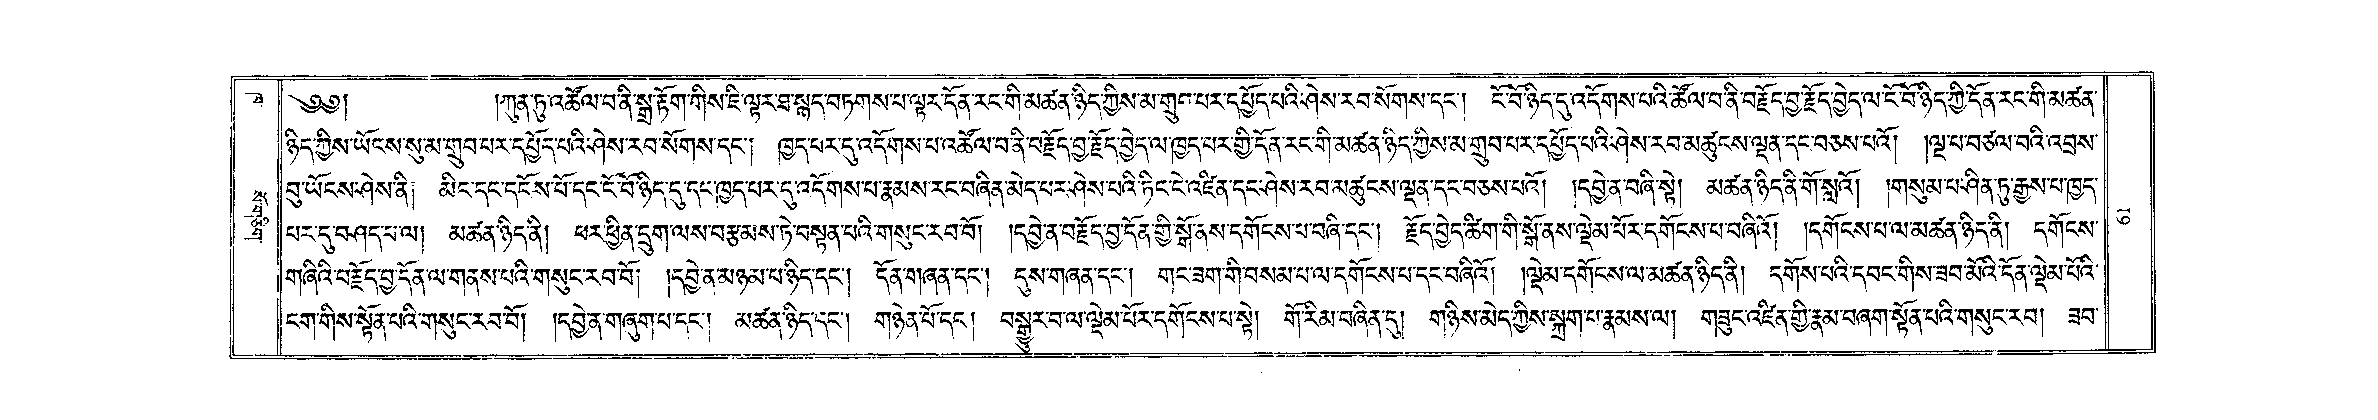༄༅། །ཀུན་ཏུ་འཚོལ་བ་ནི་སྒྲ་རྟོག་གིས་ཇི་ལྟར་ཐ་སྙད་བཏགས་པ་ལྟར་དོན་རང་གི་མཚན་ཉིད་ཀྱིས་མ་གྲུབ་པར་དཔྱོད་པའི་ཤེས་རབ་སོགས་དང་། ངོ་བོ་ཉིད་དུ་འདོགས་པའི་ཚོལ་བ་ནི་བརྗོད་བྱ་རྗོད་བྱེད་ལ་ངོ་བོ་ཉིད་ཀྱི་དོན་རང་གི་མཚན་
ཉིད་ཀྱིས་ཡོངས་སུ་མ་གྲུབ་པར་དཔྱོད་པའི་ཤེས་རབ་སོགས་དང་། ཁྱད་པར་དུ་འདོགས་པ་འཚོལ་བ་ནི་བརྗོད་བྱ་རྗོད་བྱེད་ལ་ཁྱད་པར་གྱི་དོན་རང་གི་མཚན་ཉིད་ཀྱིས་མ་གྲུབ་པར་དཔྱོད་པའི་ཤེས་རབ་མཚུངས་ལྡན་དང་བཅས་པའོ། །ལྔ་པ་བཙལ་བའི་འབྲས་
བུ་ཡོངས་ཤེས་ནི། མིང་དང་དངོས་པོ་དང་ངོ་བོ་ཉིད་དུ་དང་ཁྱད་པར་དུ་འདོགས་པ་རྣམས་རང་བཞིན་མེད་པར་ཤེས་པའི་ཏིང་ངེ་འཛིན་དང་ཤེས་རབ་མཚུངས་ལྡན་དང་བཅས་པའོ། །དབྱེ་ན་བཞི་སྟེ། མཚན་ཉིད་ནི་གོ་སླའོ། །གསུམ་པ་ཤིན་ཏུ་རྒྱས་པ་ཁྱད་
པར་དུ་བཤད་པ་ལ། མཚན་ཉིད་ནི། ཕར་ཕྱིན་དྲུག་ལས་བརྩམས་ཏེ་བསྟན་པའི་གསུང་རབ་བོ། །དབྱེ་ན་བརྗོད་བྱ་དོན་གྱི་སྒོ་ནས་དགོངས་པ་བཞི་དང་། རྗོད་བྱེད་ཚིག་གི་སྒོ་ནས་ལྡེམ་པོར་དགོངས་པ་བཞིའོ། །དགོངས་པ་ལ་མཚན་ཉིད་ནི། དགོངས་
གཞིའི་བརྗོད་བྱ་དོན་ལ་གནས་པའི་གསུང་རབ་བོ། །དབྱེ་ན་མཉམ་པ་ཉིད་དང་། དོན་གཞན་དང་། དུས་གཞན་དང་། གང་ཟག་གི་བསམ་པ་ལ་དགོངས་པ་དང་བཞིའོ། །ལྡེམ་དགོངས་ལ་མཚན་ཉིད་ནི། དགོས་པའི་དབང་གིས་ཟབ་མོའི་དོན་ལྡེམ་པོའི་
ངག་གིས་སྟོན་པའི་གསུང་རབ་བོ། །དབྱེ་ན་གཞུག་པ་དང་། མཚན་ཉིད་དང་། གཉེན་པོ་དང་། བསྒྱུར་བ་ལ་ལྡེམ་པོར་དགོངས་པ་སྟེ། གོ་རིམ་བཞིན་དུ། གཉིས་མེད་ཀྱིས་སྐྲག་པ་རྣམས་ལ། གཟུང་འཛིན་གྱི་རྣམ་བཞག་སྟོན་པའི་གསུང་རབ། ཟབ་